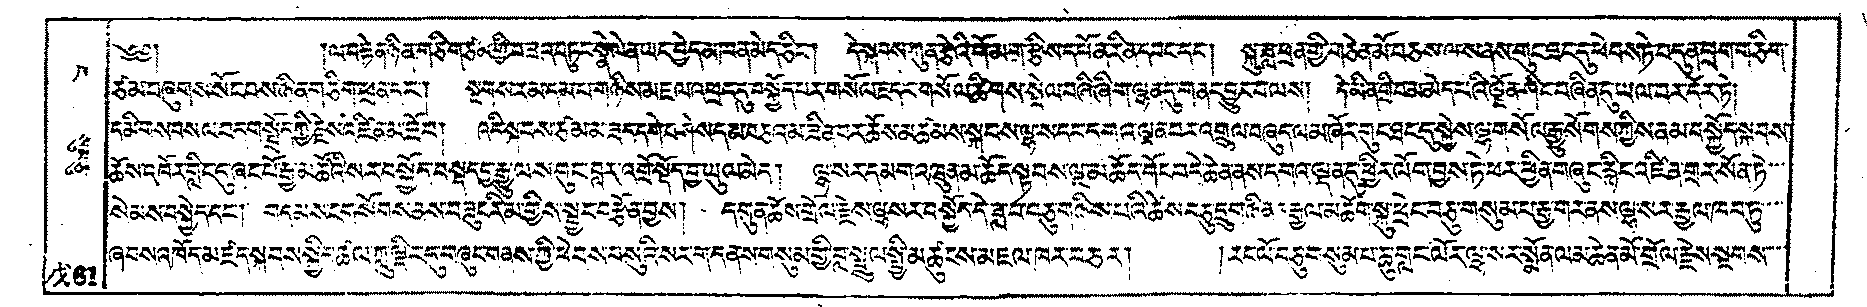༄༅། །ལ་བརྟེན་ཉིན་གཅིག་ཙམ་གྱི་བཟའ་བཏུང་སྣེ་ལེན་ཡང་བྱེད་མཁན་མེད་ཅིང་། དེ་སྐབས་ཀུན་རྩེའི་གོ་མག་རྩིས་དཔོན་རིན་དབང་དང་། སྐུ་ཟླ་ཕྲན་གྱི་གཅེན་མོ་བཅས་ལ་ས་ནས་གུང་ཐང་དུ་ཕེབས་ཏེ་བདུན་ཕྲག་གཅིག་
ཙམ་བཞུགས་སོང་བས་ཉིན་གཅིག་ཕྲན་དང་། སྔགས་རམ་དམ་པ་གཉིས་མཇལ་འཕྲད་དུ་བསྐྱོད་པར་གསོལ་ཇ་དང་གསོལ་ཚིགས་སྤེལ་བཞི་ཞིག་ལྷན་དུ་གནང་བྱུང་བ་ལས། དེ་མིན་གྲིབ་མ་མེད་པའི་ལྗོན་ཤིང་བཞིན་དུ་ཡལ་བར་དོར་ཏེ།
དམིགས་བསལ་བདག་སྤྲོད་ཀྱི་རྗེས་འཛིན་མ་ཐོབ། འདི་སྐབས་ཙམ་མ་ཟད་དགེ་བཤེས་དམ་བཅའ་མ་ཟིན་པར་ཆོས་མཚམས་སྐབས་ལྷ་ས་དང་དགའ་ལྡན་བར་འགྲུལ་བཞུད་ལམ་ཞོར་གུང་ཐང་དུ་སྐྱེས་ལྷ་གསོལ་རྒྱུ་སོགས་ཀྱིས་ནམ་བསྐྱོད་སྐབས་
ཆོས་འཁོར་གླིང་དུ་ཞང་པོ་རྒྱ་མཚོའི་སར་བསྐྱོད་བསྡད་བྱ་རྒྱུ་ལས་གུང་བླར་འགྲོ་སྡོད་བྱ་ཡུལ་མེད། ལྷ་སར་དམག་འཁྲུན་མ་ཆོད་སྟབས་ལྔ་མཆོད་གོང་བདེ་ཆེན་ནས་དགའ་ལྡན་དུ་ཕྱིར་ལོག་བྱས་ཏེ་ཕར་ཕྱིན་གཞུང་རྙིང་འཛིན་གྲར་སོན་ཏེ་
སེམས་བསྐྱེད་དང་། གདམས་ངག་སོགས་ནས་བཟུང་རིམ་གྱིས་སྦྱང་བརྩོན་བྱས། དགུན་ཆོས་གྲོལ་རྗེས་ལྷ་སར་བསྐྱོད་དེ་ཟླ་བ་བཅུ་གཉིས་པའི་ཚེས་བཅུ་དྲུག་ཉིན་༧རྒྱལ་མཆོག་སྐུ་ཕྲེང་བཅུ་གསུམ་པ་རྒྱ་གར་ནས་ལྷ་སར་རྒྱལ་ཁབ་ཏུ་
ཞབས་འཁོད་མཛད་སྐབས་སྐྱིད་ཚལ་ཀླུ་ལྡིང་དུ་གཞུང་གནས་ཀྱི་ཕེབས་བསུའི་སར་གདན་ས་གསུམ་གྱི་བླ་སྤྲུལ་སྤྱི་མཚུངས་མཇལ་ཁར་བཅར། །རང་ལོ་བཅུ་གསུམ་པ་ཆུ་གླང་ལོར་ལྷ་སར་སྨོན་ལམ་ཆེན་མོ་གྲོལ་རྗེས་སྔགས་